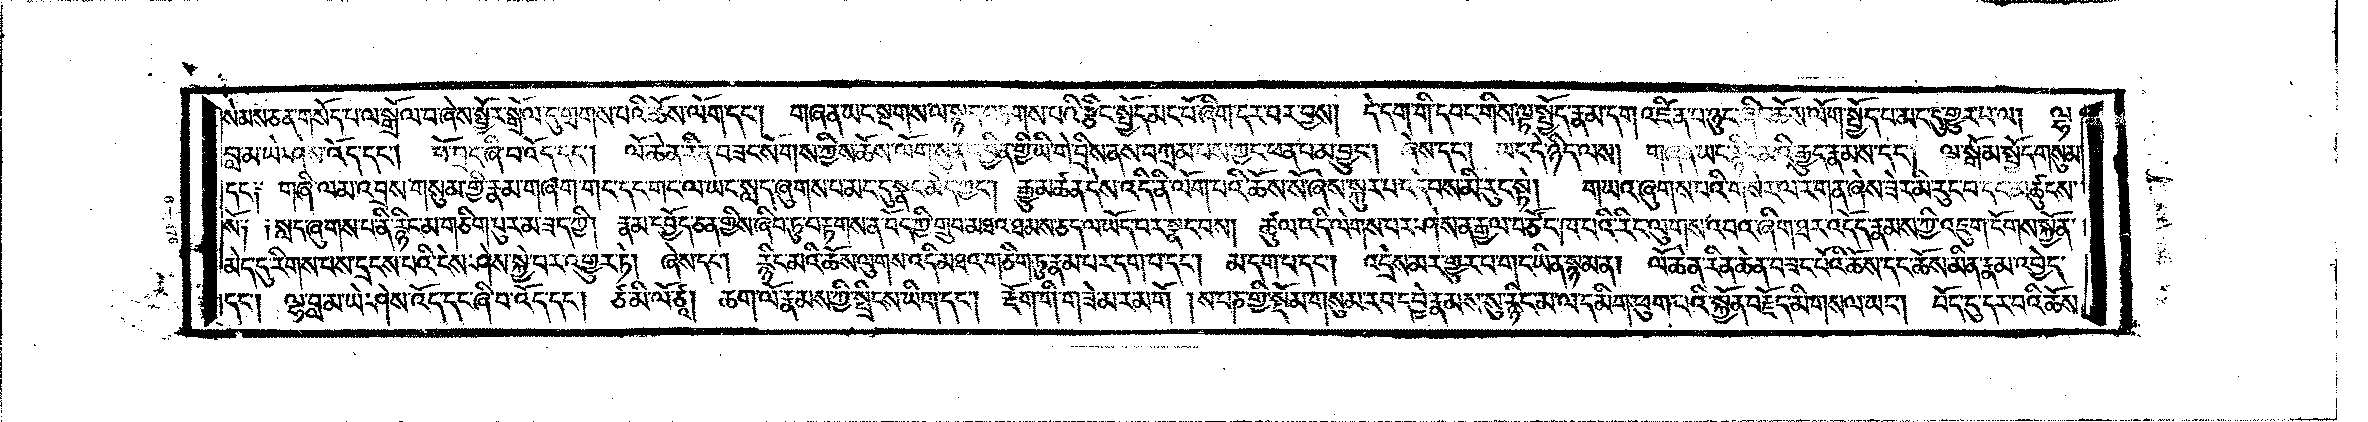སེམས་ཅན་གསོད་པ་ལ་སྒྲོལ་བ་ཞེས་སྦྱོར་སྒྲོལ་དུ་གྲགས་པའི་ཆོས་ལོག་དང་། གཞན་ཡང་སྔགས་ལ་སྙང་བཏགས་པའི་རྩིང་སྤྱོད་མང་པོ་ཞིག་དར་བར་བྱས། དེ་དག་གི་དབང་གིས་ལྟ་སྤྱོད་རྣམ་དག་འཛིན་པ་ཉུང་ཞིང་ཆོས་ལོག་སྤྱོད་པ་མང་དུ་གྱུར་པ་ལ། ལྷ་
བླ་མ་ཡེ་ཤེས་འོད་དང་། ཕོ་བྲང་ཞི་བ་འོད་དང་། ལོ་ཆེན་རིན་བཟང་སོགས་ཀྱིས་ཆོས་ལོག་སུན་འབྱིན་གྱི་ཡི་གེ་བྲིས་ནས་བཀྲམ་པས་ཀྱང་ཕན་པ་མ་བྱུང་། ཞེས་དང་། ཡང་དེ་ཉིད་ལས། གཞན་ཡང་རྙིང་མའི་རྒྱུད་རྣམས་དང་། ལྟ་སྒོམ་སྤྱོད་གསུམ་
དང༑ གཞི་ལམ་འབྲས་གསུམ་གྱི་རྣམ་གཞག་གང་དང་གང་ལ་ཡང་སླད་ཞུགས་པ་མང་དུ་སྣང་མེད་ཀྱང་། རྒྱུ་མཚན་དེས་འདི་ནི་ལོག་པའི་ཆོས་སོ་ཞེས་སྐུར་པ་འདེབས་མི་རུང་སྟེ། གཡའ་ཞུགས་པའི་གསེར་ལ་རག་ན་ཞེས་ཟེར་མི་རུང་བ་དང་མཚུངས་
སོ༑ ༑སླད་ཞུགས་པ་ནི་རྙིང་མ་གཅིག་པུར་མ་ཟད་ཀྱི། རྣམ་དཔྱོད་ཅན་གྱིས་ཞིབ་ཏུ་བརྟགས་ན་བོད་ཀྱི་གྲུབ་མཐའ་ཐམས་ཅད་ལ་ཡོད་བར་སྣང་བས། ཚུལ་འདི་ལེགས་པར་ཤེས་ན་རྒྱལ་བ་ཙོང་ཁ་པའི་རིང་ལུགས་འབའ་ཞིག་ཐར་འདོད་རྣམས་ཀྱི་འཇུག་ངོགས་སྐྱོན།
མེད་དུ་རིགས་པས་དྲངས་པའི་ངེས་ཤེས་སྐྱེ་བར་འགྱུར་ཏེ། ཞེས་དང་། རྙིང་མའི་ཆོས་ལུགས་འདི་མཐའ་གཅིག་ཏུ་རྣམ་པར་དག་པ་དང་། མ་དག་པ་དང་། འདྲེས་མར་གྱུར་པ་གང་ཡིན་སྙམ་ན། ལོ་ཆེན་རིན་ཆེན་བཟང་པོའི་ཆོས་དང་ཆོས་མིན་རྣམ་འབྱེད་
དང་། ལྷ་བླ་མ་ཡེ་ཤེས་འོད་དང་ཞི་བ་འོད་དང་། ཙ་མི་ལོ་ཙཱ། ཆག་ལོ་རྣམས་ཀྱི་སྤྲིངས་ཡིག་དང་། རྡོག་གི་གཟེ་མ་རམ་གོ །ས་པཎ་གྱི་སྡོམ་གསུམ་རབ་དབྱེ་རྣམས་སུ་རྙིང་མ་ལ་དམིག་ཕུག་པའི་སྐྱོན་བརྗོད་མི་གསལ་ཡང་། བོད་དུ་དར་བའི་ཆོས་